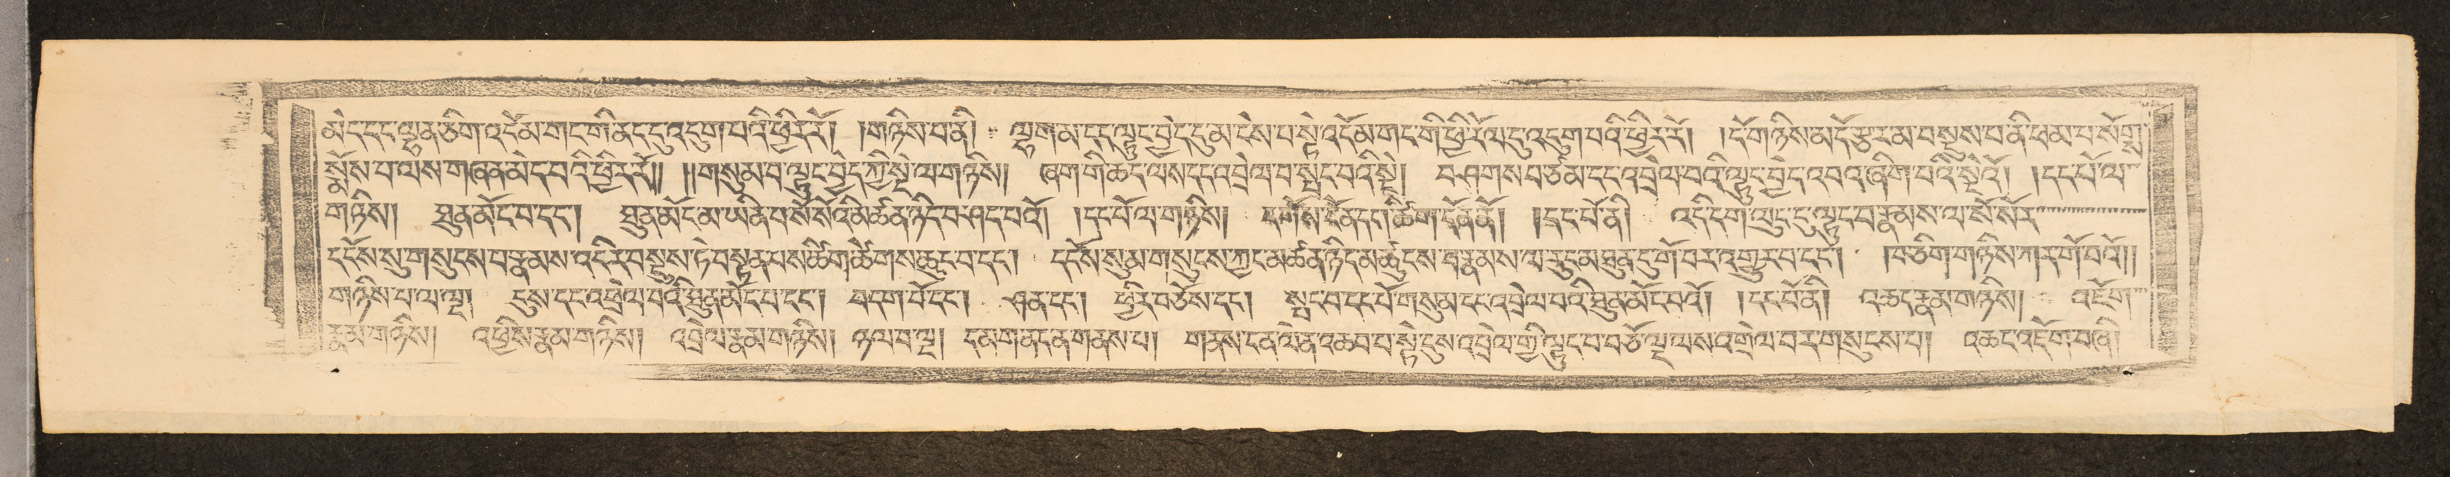མེད་དང་ལྷན་ཅིག་འདོམ་གང་གི་ནང་དུ་འདུག་པའི་ཕྱིར་རོ། །གཉིས་པ་ནི། ལྷག་མ་དང་ལྟུང་བྱེད་དུ་མ་ངེས་པ་སྟེ་འདོམ་གང་གི་ཕྱི་རོལ་དུ་འདུག་པའི་ཕྱིར་རོ། །དེ་གཉིས་མདོ་རྩར་མ་བསྡུས་པ་ནི་ཕམ་པ་སོགས་
སྨོས་པ་ལས་གཞན་མེད་པའི་ཕྱིར་རོ།། །།གསུམ་པ་ལྟུང་བྱེད་ཀྱི་སྡེ་ལ་གཉིས། ཞག་གི་ཆད་ལས་དང་འབྲེལ་བ་སྤང་བའི་སྡེ། བཤགས་པ་ཙམ་དང་འབྲེལ་བའི་ལྟུང་བྱེད་འབའ་ཞིག་པའི་སྡེའོ། །དང་པོ་ལ་
གཉིས། ཐུན་མོང་བ་དང་། ཐུན་མོང་མ་ཡིན་པ་སོ་སོའི་མཚན་ཉིད་བཤད་པའོ། །དང་པོ་ལ་གཉིས། དགོས་དོན་དང་། ཚིག་དོན་ནོ། །དང་པོ་ནི། འདི་དག་ལུང་དུ་ལྟུང་བ་རྣམས་ལ་སོ་སོར་
དངོས་སུ་གསུངས་པ་རྣམས་འདིར་བསྡུས་ཏེ་བསྟན་པས་ཚིག་ཚེགས་ཆུང་བ་དང་། དངོས་སུམ་གསུངས་ཀྱང་མཚན་ཉིད་མཚུངས་པ་རྣམས་ལ་རུང་མཐུན་དུ་གོ་བར་འགྱུར་བ་དང་། ཁ་ཅིག་གཉིས་ཀར་གོ་བའོ།།
གཉིས་པ་ལ་ལྔ། དུས་དང་འབྲེལ་བའི་ཐུན་མོང་བ་དང་། བདག་པོ་དང་། ཤན་དང་། ཕྱིར་བཅོས་དང་། སྤང་བ་དང་པོ་གསུམ་དང་འབྲེལ་བའི་ཐུན་མོང་བའོ། །དང་པོ་ནི། འཆང་རྣམ་གཉིས། འཇོག་
རྣམ་གཉིས། འཕྱིས་རྣམ་གཉིས། འབྲེལ་རྣམ་གཉིས། ཉལ་བ་ལྔ། དམག་ནང་ན་གནས་པ། གནས་ངན་ལེན་འཆབ་པ་སྟེ་དུས་འབྲེལ་གྱི་ལྟུང་བ་བཅོ་ལྔ་ལས་འགྲེལ་བར་གསུངས་པ། འཆང་འཇོག་བཞི།